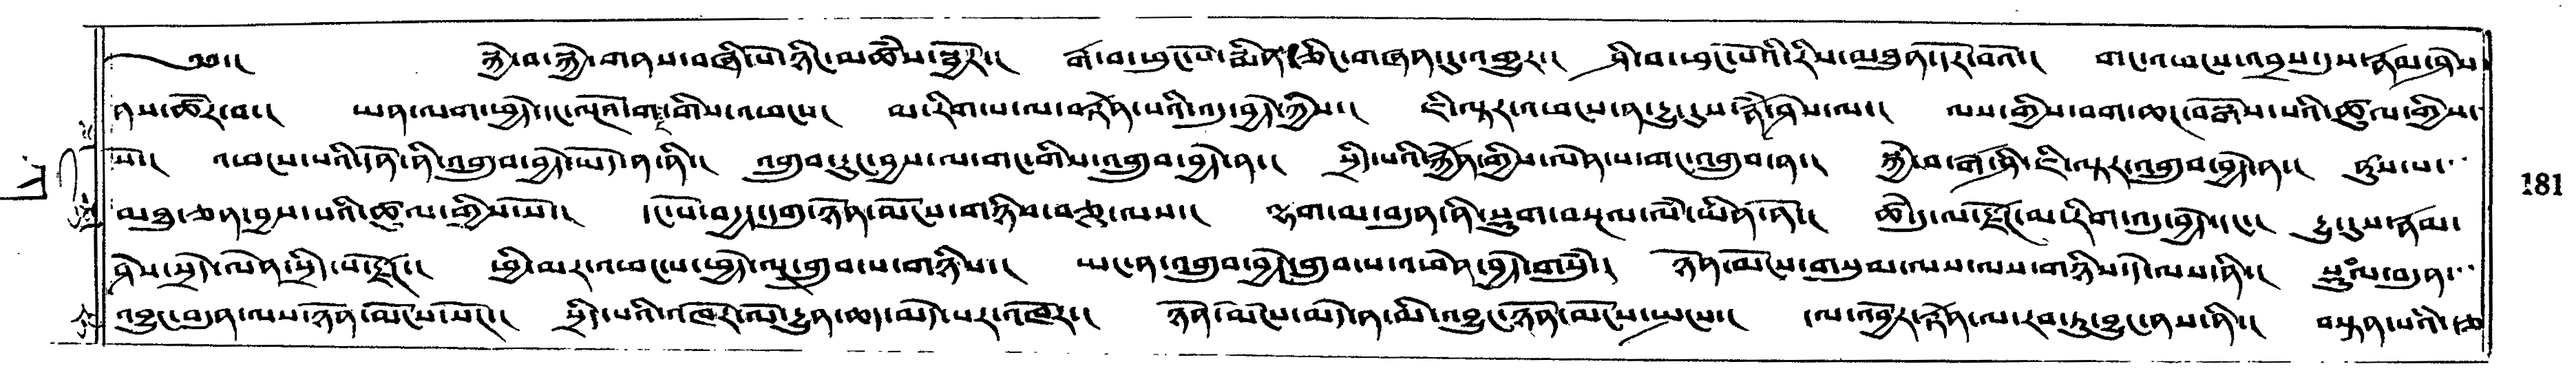སྐྱེ་བ་སྐྱེ་གནས་བཞི་པོ་ཉིང་མཚམས་སྦྱོར། །རྒ་བ་ཕུང་པོ་སྨིན་ཅིང་གཞན་དུ་འགྱུར། །ཤི་བ་ཕུང་པོའི་རིས་མཐུན་དོར་བའོ། །གང་འཕངས་འབྲས་དུས་རྣམ་ཤེས་
ནས་ཚོར་བ། །ཡན་ལག་ཕྱེད་དང་ལྔའོ་གང་གིས་འཕངས། །མ་རིག་པ་ལ་བརྟེན་པའི་འདུ་བྱེད་ཀྱིས། །ཇི་ལྟར་འཕངས་ན་རྒྱུ་དུས་རྣམ་ཤེས་ལ། །ལས་གྱིས་བག་ཆགས་བསྒོས་པའི་ཚུལ་གྱིས་
སོ། །འཕངས་པའི་དོན་ནི་འགྲུབ་བྱེད་ཡོད་ན་ནི། །འགྲུབ་རུང་བྱས་ལ་གང་གིས་འགྲུབ་བྱེད་ན། །སྲིད་པའི་རྐྱེན་གྱིས་ལེན་པ་གང་འགྲུབ་ན། །སྐྱེ་བ་རྒ་ཤི་ཇི་ལྟར་འགྲུབ་བྱེད་ན། །ནུས་པ་
མཐུ་ཅན་བྱས་པའི་ཚུལ་གྱིས་སོ། །དང་པོ་བརྒྱད་དགུ་ཉོན་མོངས་གཉིས་བཅུ་ལས། །ལྷག་མ་བདུན་ནི་སྡུག་བསྔལ་ལམ་ཡིན་ནོ། །ཚེ་དུ་ལ་རྫོགས་མ་རིག་འདུ་བྱེད་དང་། །རྒྱུ་དུས་རྣམ་
ཤེས་སྲེད་ལེན་སྲིད་པ་རྫོགས། །ཕྱི་མར་འཕང་པ་ཕྱེད་ལྔ་གྲུབ་པ་གཉིས། །ཡང་ན་འགྲུབ་བྱེད་གྲུབ་པ་འཕེན་བྱེད་གསུམ། །ཉོན་མོངས་གསུམ་ལས་ལས་གཉིས་དེ་ལས་ནི། །སྡུག་བསྔལ་བདུན་
འབྱུང་བདུན་ལས་ཉོན་མོངས་སོགས། །སྲིད་པའི་འཁོར་ལོ་རྒྱུན་ཆད་མེད་པར་འཁོར། །ཉོན་མོངས་མེད་ན་མི་འབྱུང་ཉོན་མོངས་སྤངས། །དལ་འབྱོར་རྟེན་ལ་རབ་ཏུ་བྱུང་ནས་ནི། །བསྟན་པའི་རྩ་